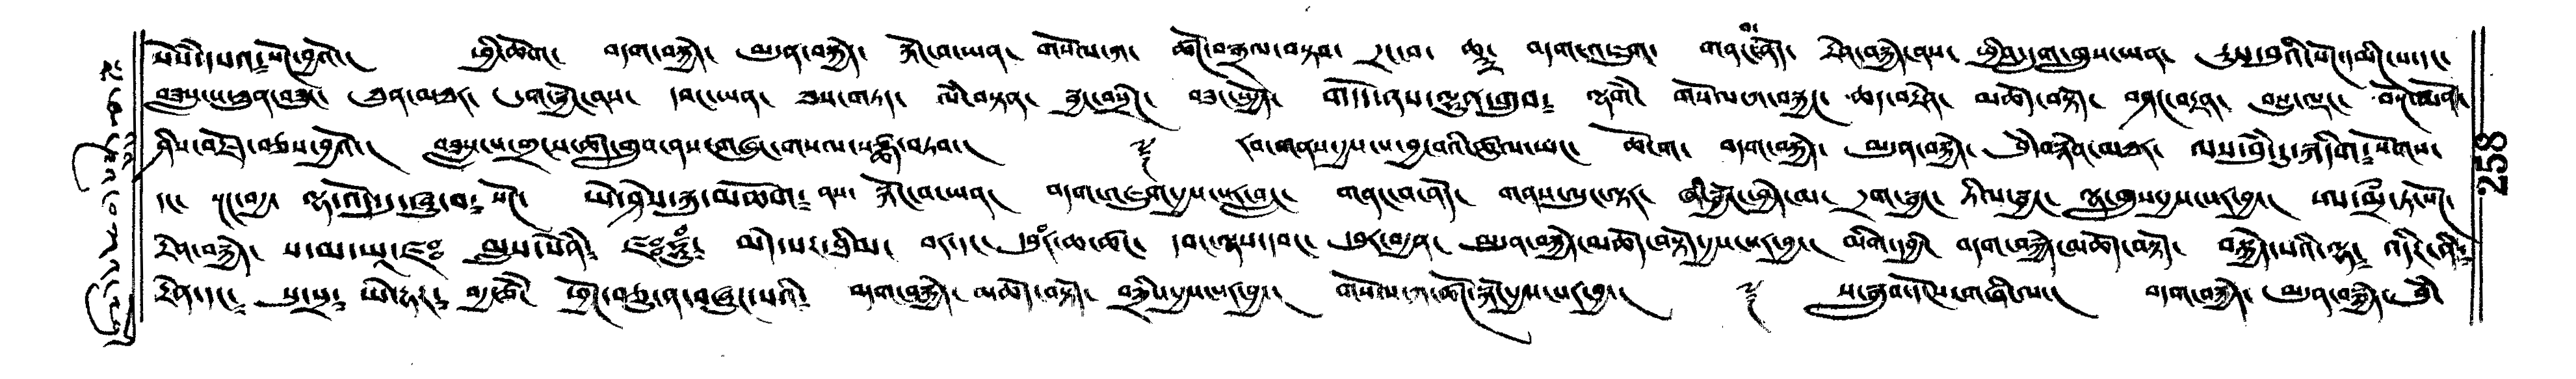སེམས་དཔའ༴ སོགས་བྱའོ། ཕྱི་ཆོག བདག་བསྐྱེད། མདུན་བསྐྱེད། སྐོང་བ་ཡན། གསོལ་ཀ ཚོགས་བསྒྲལ་བསྟབ། དྲང་བ། ཆ་གསུམ། བདག་འཇུག གནང་བ་ནོད་། རྟེན་བསྐྱེད་ནས། ཕྱིན་དྲུག་ཁྲུས་ཡན། རུས་བུའི༴ སོགས་དམིགས་པ་དང་། 
བཟླས་པ་ཐུན་གཟུང་། ཐུན་མཐར། དུག་སྦྱོང་ནས། དབང་ཡན། ཟས་གཏད། ལམ་བསྟན། སྦྲང་བསྲེགས། བཟག་སྤྱོད། གདོད་ནས་ལྷུན་གྲུབ་༴ ལྷག་མ། གསོལ་ཀ་བསྐྱང་།ཆད་བརྟེན། མཆོད་བསྟོད། བཤགས་བརྟན། བསྡུ་ལྡང་བསྔོ་སྨོན། 
ཤིས་བརྗོད་བཅས་བྱའོ། བཟླས་པ་གྲངས་ཚད་གྲུབ་ནས་གཞུང་གསལ་སཙྪ་བཏབ། ༈ རབ་གནས་རྒྱས་པ་བྱ་བའི་ཚུལ་ཡང་། ཆོ་ག བདག་བསྐྱེད། མདུན་བསྐྱེད། བུམ་བསྙེན་མཐར། ལས་བུམ་དུ་སྐད་ཅིག༴ སོགས། 
དང་། སྔགས་བརྒྱ། ལྷ་འོད་དུ་ཞུ་བ༴ སོགས། ཡེ་ཤེས་སྐུ་མཆོག༴ ནས། སྐོང་བ་ཡན། བདག་འཇུག་རྒྱས་པར་བླང་། གནང་བ་ནོད། གནས་ལུང་ལྟར། ཞི་སྦྱོར་ཕྱེད་མ། དྲག་སྦྱང་། ཏིལ་སྦྱང་། ལྷ་ཁྲུས་རྒྱས་པར་བྱ། ཨ་མྲྀ་ཏ༴ སོགས་
རྟེན་བསྐྱེད། ས་མ་ཡ་ཛཿ མ་ལུས་སེམས་ཅན༴ ཛཿཧཱུྃ༴ མེད་པར་ཐིམ། བར་དང་། དབང་སྐུར་ཆ་ཚང་། དབང་ལྷས་དབང་། དབུ་རྒྱན། མདུན་བསྐྱེད་མཆོད་བསྟོད་རྒྱས་པར་བྱ། མིག་དབྱེ། བདག་བསྐྱེད་མཆོད་བསྟོད། བསྐྱེད་པའི་ལྷ༴ འདིར་ནི་
རྟེན་དང༴ སུ་པྲ༴ ཡེ་དྷར༴ བརྒྱ་ཙམ། ཕྱོགས་བཅུ་ན་བཞུགས་པའི་༴ བདག་བསྐྱེད། མཆོད་བསྟོད། བཀྲ་ཤིས་རྒྱས་པརབྱ། གསོལ་ཀ་ཚོགས་སྐོང་རྒྱས་པར་བྱ། ༈ ས་སྒྲུབ་དངོས་གཞི་ལ། བདག་བསྐྱེད། མདུན་བསྐྱེད། བུམ་